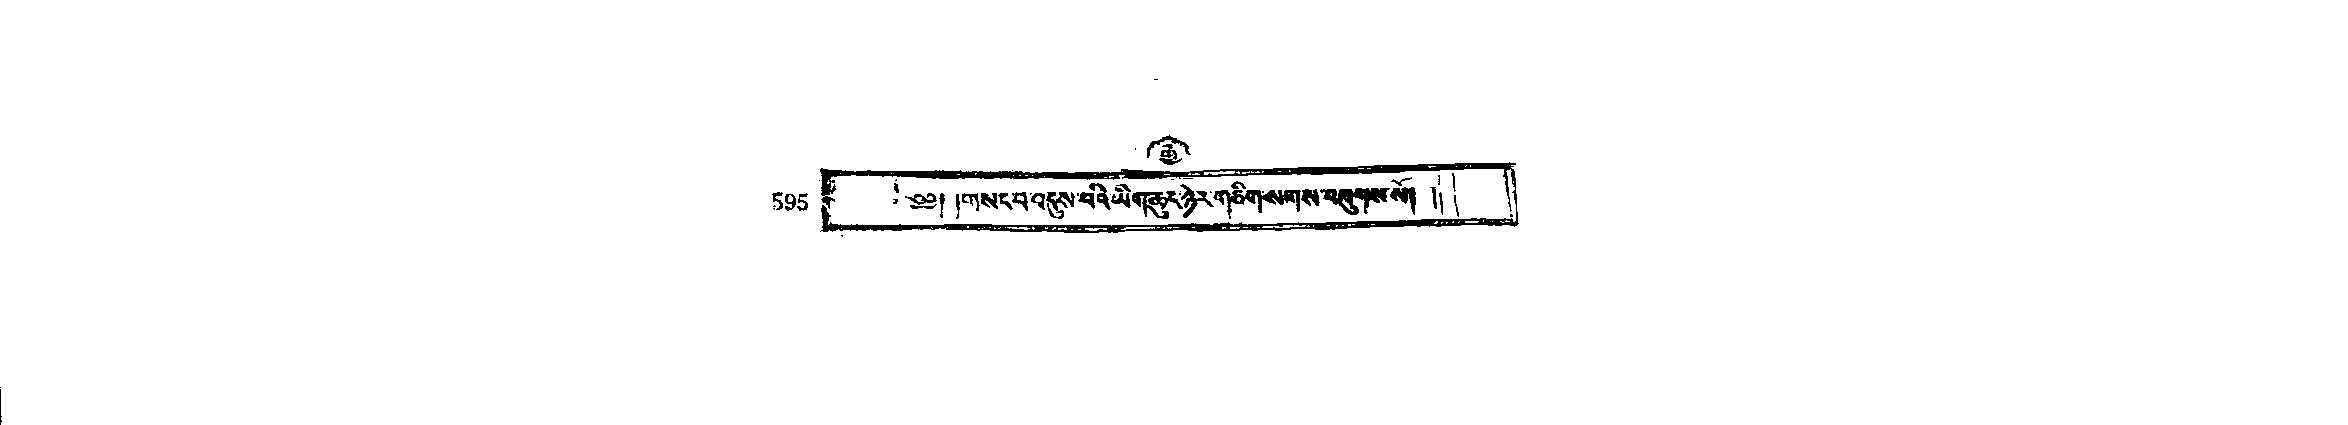༄༅། །གསང་བ་འདུས་པའི་ཡིག་ཆུང་ཉེར་གཅིག་སོགས་བཞུགས་སོ། །